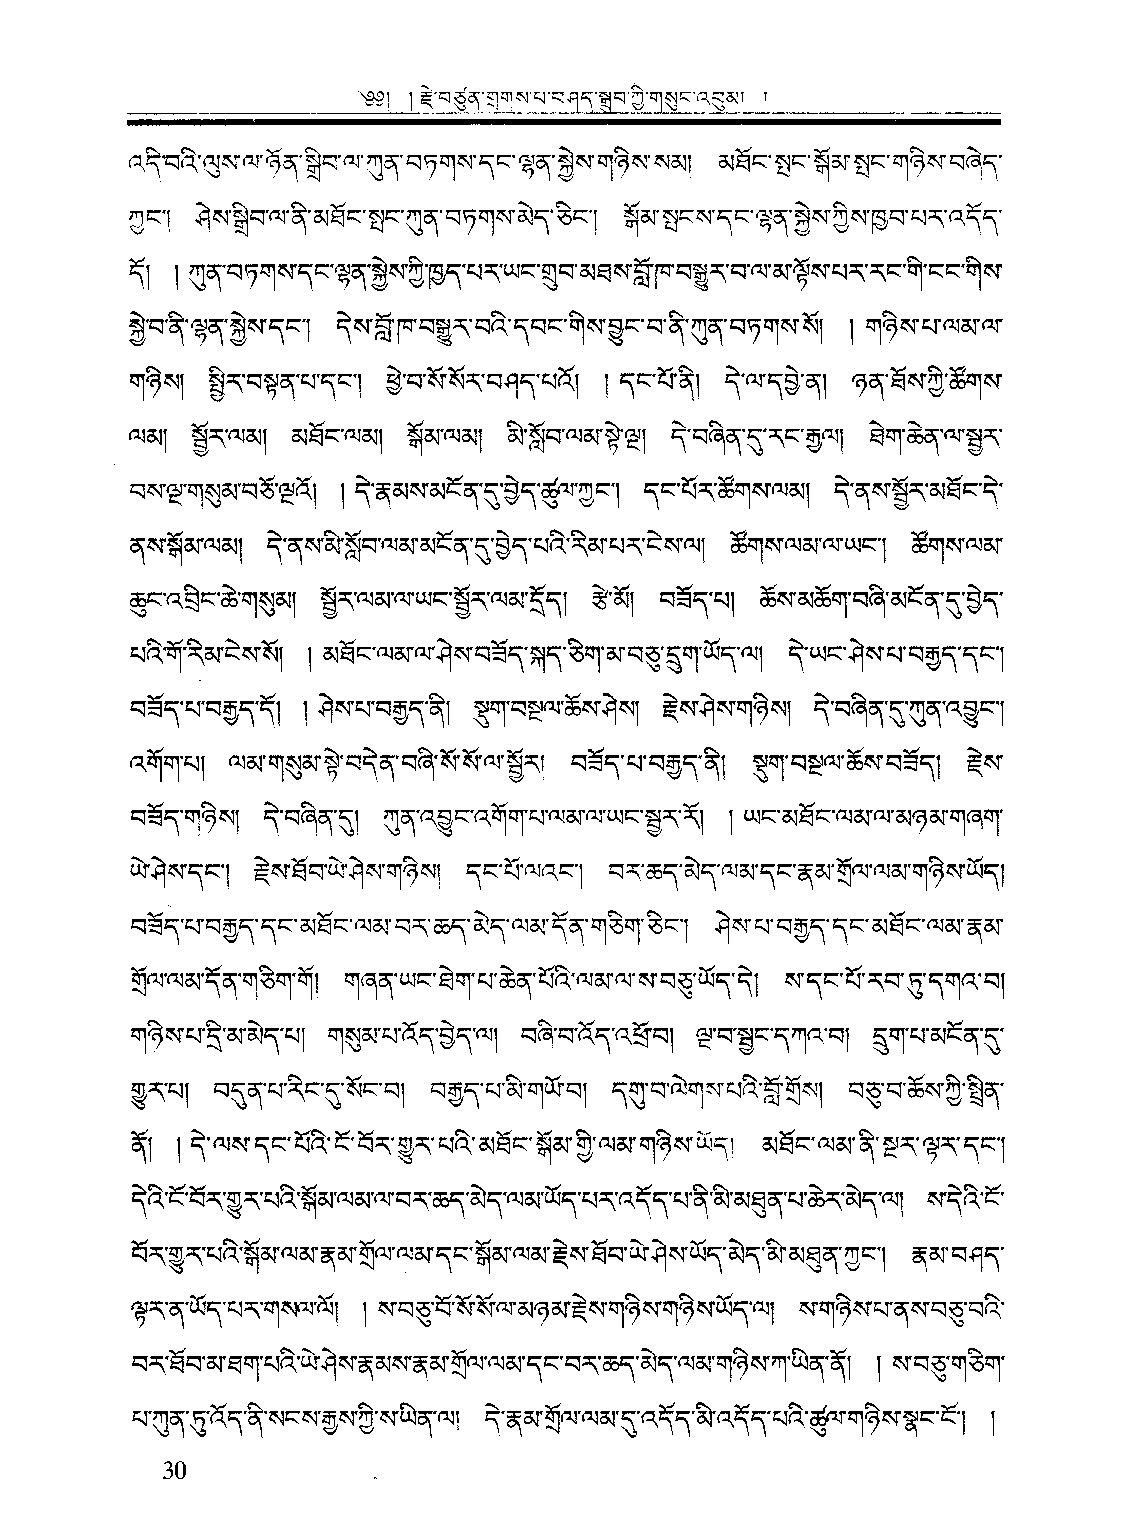འདི་བའི་ལུས་ལ་ཉོན་སྒྲིབ་ལ་ཀུན་བཏགས་དང་ལྷན་སྐྱེས་གཉིས་སམ། མཐོང་སྤང་སྒོམ་སྤང་གཉིས་བཞེད་
ཀྱང་། ཤེས་སྒྲིབ་ལ་ནི་མཐོང་སྤང་ཀུན་བཏགས་མེད་ཅིང་། སྒོམ་སྤངས་དང་ལྷན་སྐྱེས་ཀྱིས་ཁྱབ་པར་འདོད་
དོ། །ཀུན་བཏགས་དང་ལྷན་སྐྱེས་ཀྱི་ཁྱད་པར་ཡང་གྲུབ་མཐས་བློ་ཁ་བསྒྱུར་བ་ལ་མ་ལྟོས་པར་རང་གི་ངང་གིས་
སྐྱེ་བ་ནི་ལྷན་སྐྱེས་དང་། དེས་བློ་ཁ་བསྒྱུར་བའི་དབང་གིས་བྱུང་བ་ནི་ཀུན་བཏགས་སོ། །གཉིས་པ་ལམ་ལ་
གཉིས། སྤྱིར་བསྟན་པ་དང་། ཕྱེ་བ་སོ་སོར་བཤད་པའོ། །དང་པོ་ནི། དེ་ལ་དབྱེ་ན། ཉན་ཐོས་ཀྱི་ཚོགས་
ལམ། སྦྱོར་ལམ། མཐོང་ལམ། སྒོམ་ལམ། མི་སློབ་ལམ་སྟེ་ལྔ། དེ་བཞིན་དུ་རང་རྒྱལ། ཐེག་ཆེན་ལ་སྦྱར་
བས་ལྔ་གསུམ་བཅོ་ལྔའོ། །དེ་རྣམས་མངོན་དུ་བྱེད་ཚུལ་ཀྱང་། དང་པོར་ཚོགས་ལམ། དེ་ནས་སྦྱོར་མཐོང་དེ་
ནས་སྒོམ་ལམ། དེ་ནས་མི་སློབ་ལམ་མངོན་དུ་བྱེད་པའི་རིམ་པར་ངེས་ལ། ཚོགས་ལམ་ལ་ཡང་། ཚོགས་ལམ་
ཆུང་འབྲིང་ཆེ་གསུམ། སྦྱོར་ལམ་ལ་ཡང་སྦྱོར་ལམ་དྲོད། རྩེ་མོ། བཟོད་པ། ཆོས་མཆོག་བཞི་མངོན་དུ་བྱེད་
པའི་གོ་རིམ་ངེས་སོ། །མཐོང་ལམ་ལ་ཤེས་བཟོད་སྐད་ཅིག་མ་བཅུ་དྲུག་ཡོད་ལ། དེ་ཡང་ཤེས་པ་བརྒྱད་དང་།
བཟོད་པ་བརྒྱད་དོ། །ཤེས་པ་བརྒྱད་ནི། སྡུག་བསྔལ་ཆོས་ཤེས། རྗེས་ཤེས་གཉིས། དེ་བཞིན་དུ་ཀུན་འབྱུང་།
འགོག་པ། ལམ་གསུམ་སྟེ་བདེན་བཞི་སོ་སོ་ལ་སྦྱོར། བཟོད་པ་བརྒྱད་ནི། སྡུག་བསྔལ་ཆོས་བཟོད། རྗེས་
བཟོད་གཉིས། དེ་བཞིན་དུ། ཀུན་འབྱུང་འགོག་པ་ལམ་ལ་ཡང་སྦྱར་རོ། །ཡང་མཐོང་ལམ་ལ་མཉམ་གཞག་
ཡེ་ཤེས་དང་། རྗེས་ཐོབ་ཡེ་ཤེས་གཉིས། དང་པོ་ལའང་། བར་ཆད་མེད་ལམ་དང་རྣམ་གྲོལ་ལམ་གཉིས་ཡོད།
བཟོད་པ་བརྒྱད་དང་མཐོང་ལམ་བར་ཆད་མེད་ལམ་དོན་གཅིག་ཅིང་། ཤེས་པ་བརྒྱད་དང་མཐོང་ལམ་རྣམ་
གྲོལ་ལམ་དོན་གཅིག་གོ། གཞན་ཡང་ཐེག་པ་ཆེན་པོའི་ལམ་ལ་ས་བཅུ་ཡོད་དེ། ས་དང་པོ་རབ་ཏུ་དགའ་བ།
གཉིས་པ་དྲི་མ་མེད་པ། གསུམ་པ་འོད་བྱེད་ལ། བཞི་པ་འོད་འཕྲོ་བ། ལྔ་བ་སྦྱང་དཀའ་བ། དྲུག་པ་མངོན་དུ་
གྱུར་པ། བདུན་པ་རིང་དུ་སོང་བ། བརྒྱད་པ་མི་གཡོ་བ། དགུ་བ་ལེགས་པའི་བློ་གྲོས། བཅུ་བ་ཆོས་ཀྱི་སྤྲིན་
ནོ། །དེ་ལས་དང་པོའི་ངོ་བོར་གྱུར་པའི་མཐོང་སྒོམ་གྱི་ལམ་གཉིས་ཡོད། མཐོང་ལམ་ནི་སྔར་ལྟར་དང་།
དེའི་ངོ་བོར་གྱུར་པའི་སྒོམ་ལམ་ལ་བར་ཆད་མེད་ལམ་ཡོད་པར་འདོད་པ་ནི་མི་མཐུན་པ་ཆེར་མེད་ལ། ས་དེའི་ངོ་
བོར་གྱུར་པའི་སྒོམ་ལམ་རྣམ་གྲོལ་ལམ་དང་སྒོམ་ལམ་རྗེས་ཐོབ་ཡེ་ཤེས་ཡོད་མེད་མི་མཐུན་ཀྱང་། རྣམ་བཤད་
ལྟར་ན་ཡོད་པར་གསོལ་ལོ། །ས་བཅུ་བོ་སོ་སོ་ལ་མཉམ་རྗེས་གཉིས་གཉིས་ཡོད་ལ། ས་གཉིས་པ་ནས་བཅུ་བའི་
བར་ཐོབ་མ་ཐག་པའི་ཡེ་ཤེས་རྣམས་རྣམ་གྲོལ་ལམ་དང་བར་ཆད་མེད་ལམ་གཉིས་ཀ་ཡིན་ནོ། །ས་བཅུ་གཅིག་
པ་ཀུན་ཏུ་འོད་ནི་སངས་རྒྱས་ཀྱི་ས་ཡིན་ལ། དེ་རྣམ་གྲོལ་ལམ་དུ་འདོད་མི་འདོད་པའི་ཚུལ་གཉིས་སྣང་ངོ། །